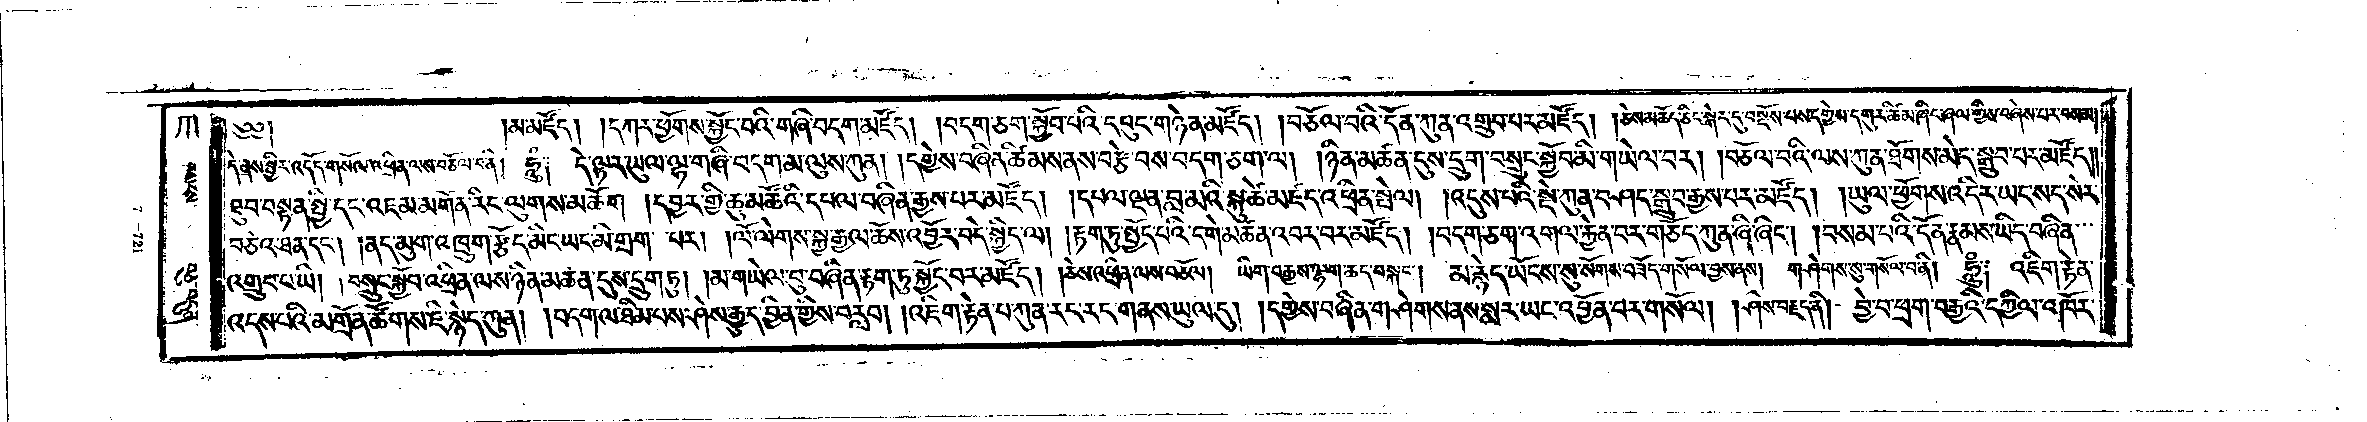༄༅། །མ་མཛོད། །དཀར་ཕྱོགས་སྐྱོང་བའི་གཞི་བདག་མཛོད། །བདག་ཅག་སྐྱོབ་པའི་དབུང་གཉེན་མཛོད། །བཅོལ་བའི་དོན་ཀུན་འགྲུབ་པར་མཛོད། །ཅེས་མཆོད་ཅིང་སྒེར་དུ་བསྔོས་པས་དགྱེས་དགུར་ཚིམ་ཞིང་ཞལ་གྱིས་བཞེས་པར་བསམ།
དེ་ནས་སྤྱིར་འདད་གསོལ་འཕྲིན་ལས་བཅལ་བ་ནི། ཧཱུཾ༑ དེ་ལྟར་ཡུལ་ལྷ་གཞི་བདག་མ་ལུས་ཀུན། །དགྱེས་བཞིན་ཚིམས་ནས་བརྩེ་བས་བདག་ཅག་ལ། །ཉིན་མཚན་དུས་དྲུག་བསྲུང་སྐྱོབ་མི་གཡེལ་བར། །བཅོལ་བའི་ལས་ཀུན་ཐོགས་མེད་སྒྲུབ་པར་མཛོད།།
ཐུབ་བསྟན་སྤྱི་དང་འཇམ་མགོན་རིང་ལུགས་མཆོག །དབྱར་གྱི་ཆུ་མཚོའི་དཔལ་བཞིན་རྒྱས་པར་མཛོད། །དཔལ་ལྡན་བླ་མའི་སྐུ་ཚེ་མཛད་འཕྲིན་སྤེལ། །འདུས་པའི་སྡེ་ཀུན་བཤད་སྒྲུབ་རྒྱས་པར་མཛོད། །ཡུལ་ཕྱོགས་འདིར་ཡང་སད་སེར་
བཅའ་ཐན་དང་། །ནད་མུག་འཁྲུག་རྩོད་མིང་ཡང་མི་གྲག་པར། །ལོ་ལེགས་སྐྱ་རྒྱལ་ཆོས་འབྱོར་བདེ་སྐྱིད་ལ། །རྟག་ཏུ་སྤྱོད་པའི་དགེ་མཚན་འབར་བར་མཛོད། །བདག་ཅག་འགལ་རྐྱེན་བར་གཅོད་ཀུན་ཞི་ཞིང་། །བསམ་པའི་དོན་རྣམས་ཡིད་བཞིན་
འགྲུབ་པ་ཡི། །བསྲུང་སྐྱོབ་འཕྲིན་ལས་ཉིན་མཚན་དུས་དྲུག་ཏུ། །མ་གཡེལ་བུ་བཞིན་རྟག་ཏུ་སྐྱོང་བར་མཛོད། །ཅེས་འཕྲིན་ལས་བཅོལ། ཡིག་བརྒྱས་ལྷག་ཆད་བསྐང་།  མ་རྙེད་ཡོངས་སུ་སོགས་བཟོད་གསོལ་བྱས་ནས། གཤེགས་སུ་གསོལ་བ་ནི།  ཧཱུཾ༑ འཇིག་རྟེན་
འདས་པའི་མགྲོན་ཚོགས་ཇི་སྙེད་ཀུན། །བདག་ལ་ཐིམ་པས་ཤེས་རྒྱུད་བྱིན་གྱིས་བརླབ། །འཇིག་རྟེན་པ་ཀུན་རང་རང་གནས་ཡུལ་དུ། །དགྱེས་བཞིན་གཤེགས་ནས་སླར་ཡང་འབྱོན་པར་གསོལ། །ཤིས་བརྗོད་ནི།  བྱེ་བ་ཕྲག་བརྒྱའི་དཀྱིལ་འཁོར་